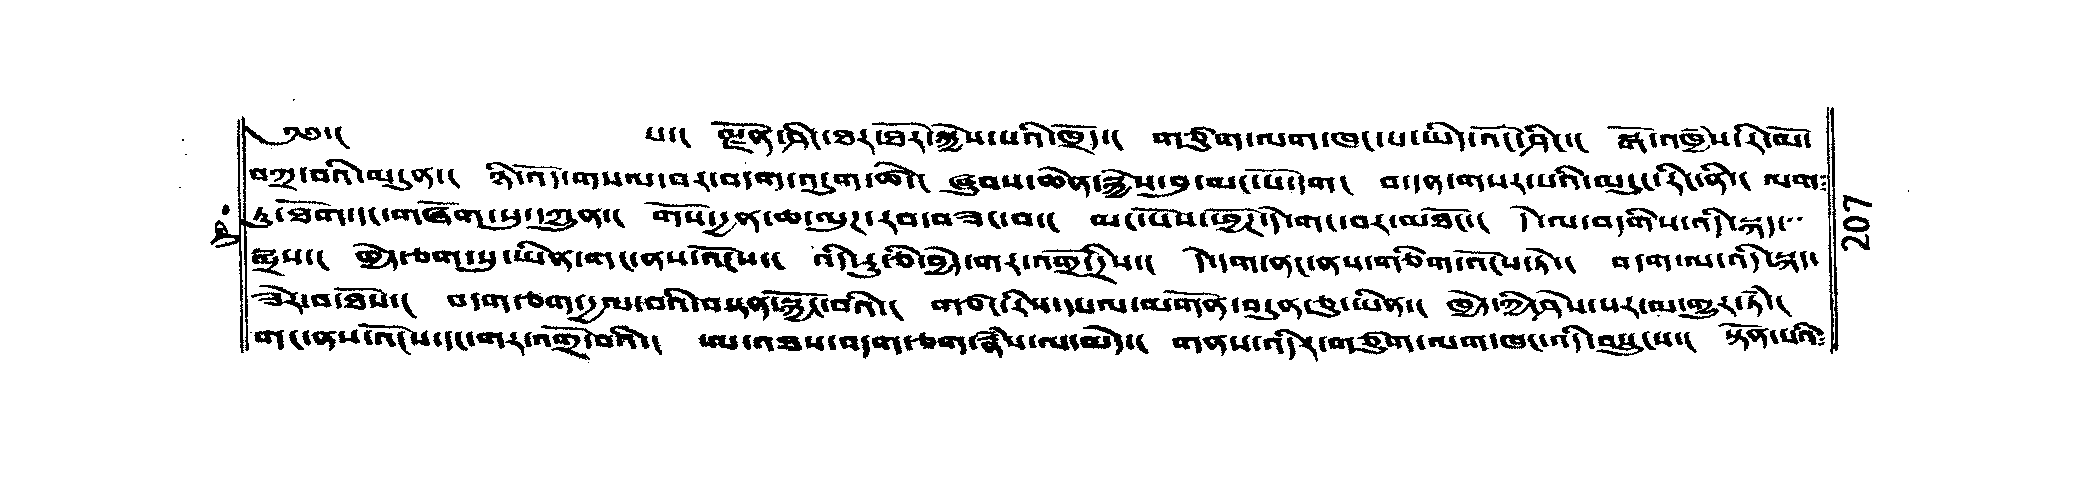པ། །ལྗོན་ཤིང་ཐར་ཐོར་སྐྱེས་པའི་ཁྲོད། །གཙུག་ལག་ཁང་པ་ཡིད་འོང་ཤིང་། །སྒོ་འཁྱམས་རི་མོ་
བཀྲ་བའི་མདུན། །ཉི་འོད་གསལ་བར་བདག་འདུག་ཚེ། །ཞུབ་ཆེན་སྐྱེས་བུ་མང་པོ་དག།བ་དན་གསར་པའི་མདུང་རིང་ནི། །ལག་
ཏུ་ཐོགས་དང་གཞོགས་སུ་བསྐྲུན། །གོས་རྒྱན་ཆ་ལུགས་རབ་བཟང་བ། །མང་པོས་ཕྱོགས་དེ་གང་བར་མཐོང་། །དེ་ལ་བདག་གིས་འདི་སྐད་
སྨྲས། །ཁྱེད་ཅག་སུ་ཡིན་གང་ནས་འོངས། །འདི་རུ་ཅི་བྱེད་གར་འགྲོ་དྲིས། །དེ་དག་ནང་ནས་གཅིག་འོངས་ཏེ། །བདག་ལ་འདི་སྐད་
ཟེར་བ་ཐོས། །བདག་ཅག་རྒྱལ་བའི་བསྟན་སྐྱོང་བའི། གཙང་རིས་དཔལ་མགོན་བདུན་ཅུ་ཡིན། །ཁྱེད་ཀྱི་ཤེས་པར་མ་གྱུར་ཏམ། །
གང་ནས་འོངས་དང་གར་འགྲོ་བའི། །ཨ་འཐས་བདག་ཅག་རྣམས་ལ་མེད། །གནས་འདིར་གཙུག་ལག་ཁང་འདི་བསྲུངས། །སྟོན་པའི་